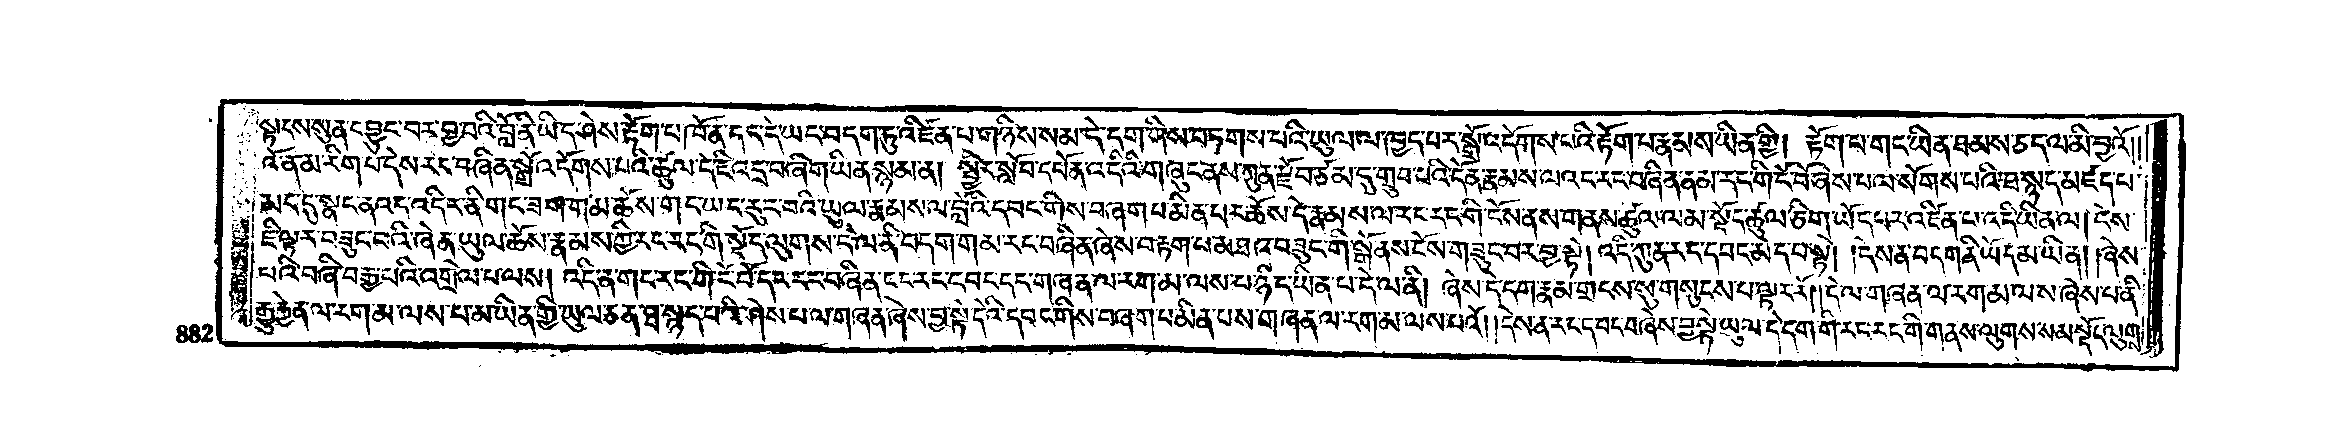སྟངས་སུན་དབྱུང་བར་བྱ་བའི་བློ་ནི་ཡིད་ཤེས་རྟོག་པ་ཁོ་ན་དང་དེ་ཡང་བདག་ཏུ་འཛིན་པ་གཉིས་སམ་དེ་དག་གིས་བཏགས་པའི་ཡུལ་ལ་ཁྱད་པར་སྒྲོ་འདོགས་པའི་རྟོག་པ་རྣམས་ཡིན་གྱི། རྟོག་པ་གང་ཡིན་ཐམས་ཅད་ལ་མི་བྱའོ།།
འོ་ན་མ་རིག་པ་དེས་རང་བཞིན་སྒྲོ་འདོགས་པའི་ཚུལ་དེ་ཇི་འདྲ་བ་ཞིག་ཡིན་སྙམ་ན། སྤྱིར་སློབ་དཔོན་འདིའི་གཞུང་ནས་ཀུན་རྫོབ་ཙམ་དུ་གྲུབ་པའི་དོན་རྣམས་ལའང་རང་བཞིན་ནམ་རང་གི་ངོ་བོ་ཞེས་པ་ལ་སོགས་པའི་ཐ་སྙད་མཛད་པ་
མང་དུ་སྣང་ནའང་འདིར་ནི་གང་ཟག་གམ་ཆོས་གང་ཡང་རུང་བའི་ཡུལ་རྣམས་ལ་བློའི་དབང་གིས་བཞག་པ་མིན་པར་ཆོས་དེ་རྣམས་ལ་རང་རང་གི་ངོས་ནས་གནས་ཚུལ་ལམ་སྡོད་ཚུལ་ཅིག་ཡོད་པར་འཛིན་པ་འདི་ཡིན་ལ། དེས་
ཇི་ལྟར་བཟུང་བའི་ཞེན་ཡུལ་ཆོས་རྣམས་ཀྱི་རང་རང་གི་སྡོད་ལུགས་དེ་ལ་ནི་བདག་གམ་རང་བཞིན་ཞེས་བརྟག་པ་མཐའ་བཟུང་གི་སྒོ་ནས་ངོས་གཟུང་བར་བྱ་སྟེ། འདི་ཀུན་རང་དབང་མེད་པ་སྟེ། །དེས་ན་བདག་ནི་ཡོད་མ་ཡིན། །ཞེས་
པའི་བཞི་བརྒྱ་པའི་འགྲེལ་པ་ལས། འདི་ན་གང་རང་གི་ངོ་བོ་དང་རང་བཞིན་དང་རང་དབང་དང་གཞན་ལ་རག་མ་ལས་པ་ཉིད་ཡིན་པ་དེ་ལ་ནི། ཞེས་དེ་དག་རྣམ་གྲངས་སུ་གསུངས་པ་ལྟར་རོ། །དེ་ལ་གཞན་ལ་རག་མ་ལས་ཞེས་པ་ནི་
རྒྱུ་རྐྱེན་ལ་རག་མ་ལས་པ་མ་ཡིན་གྱི་ཡུལ་ཅན་ཐ་སྙད་པའི་ཤེས་པ་ལ་གཞན་ཞེས་བྱ་སྟེ་དེའི་དབང་གིས་བཞག་པ་མིན་པས་གཞན་ལ་རག་མ་ལས་པའོ། །དེས་ན་རང་དབང་བཞེས་བྱ་སྟེ་ཡུལ་དེ་དག་གི་རང་རང་གི་གནས་ལུགས་སམ་སྡོད་ལུགས་